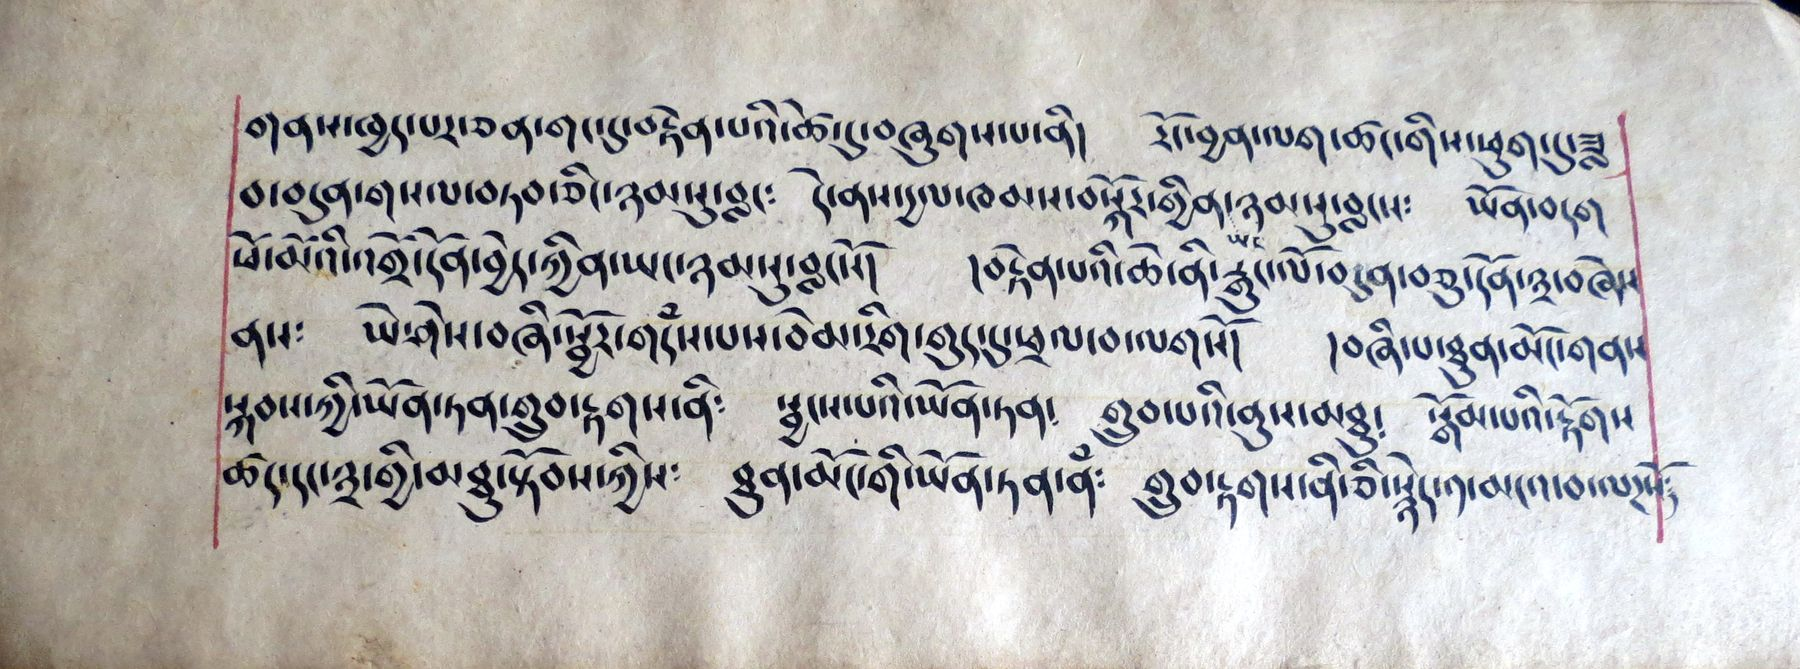གནས་ཁྱད་པར་ཅན་གང་དུ་བརྟེན་པའི་ཚེ་དུ་བཞུགས་པ་ནི། རོང་བྱན་ལག་ཚང་གིས་ཕུག་ཏུ་ཟླ་
བ་བདུན་གསལ་བཏབ་ཅིང་ཉམས་སུ་བླངས། དེ་ནས་རྒྱལ་ཁམས་བསྐོར་གྱིན་ཉམས་སུ་བླངས། ཡོན་བདག་
ཕོ་མོའི་འགྲོ་དོན་བྱེད་ཀྱིན་ཡང་ཉམས་སུ་བླངས་སོ། །བརྟེན་པའི་ཚེ་ནི་དགུང་ལོ་བདུན་ཅུ་དོན་གསུམ་བཞེས་
ནས། ཡེ་ཤེས་བཞི་སྦྱོར་གདམས་པས་བེམ་རིག་གུད་དུ་ཕྲལ་བ་ལགས་སོ། །བཞི་པ་ཐུན་མོང་གནས་
སྐབས་ཀྱི་ཡོན་ཏན་གྲུབ་རྟགས་ནི། སྦྱངས་པའི་ཡོན་ཏན། གྲུབ་པའི་ནུས་མཐུ། སྒོམ་པའི་རྟོགས་
ཚད་དང་གསུམ་གྱི་མཐུ་སྟོབས་ཀྱིས། ཐུན་མོང་ཡོན་ཏན་ནམ་གྲུབ་རྟགས་ནི་ཅི་སྙེད་ཅིག་མངའ་བ་ལགས་སོ། །